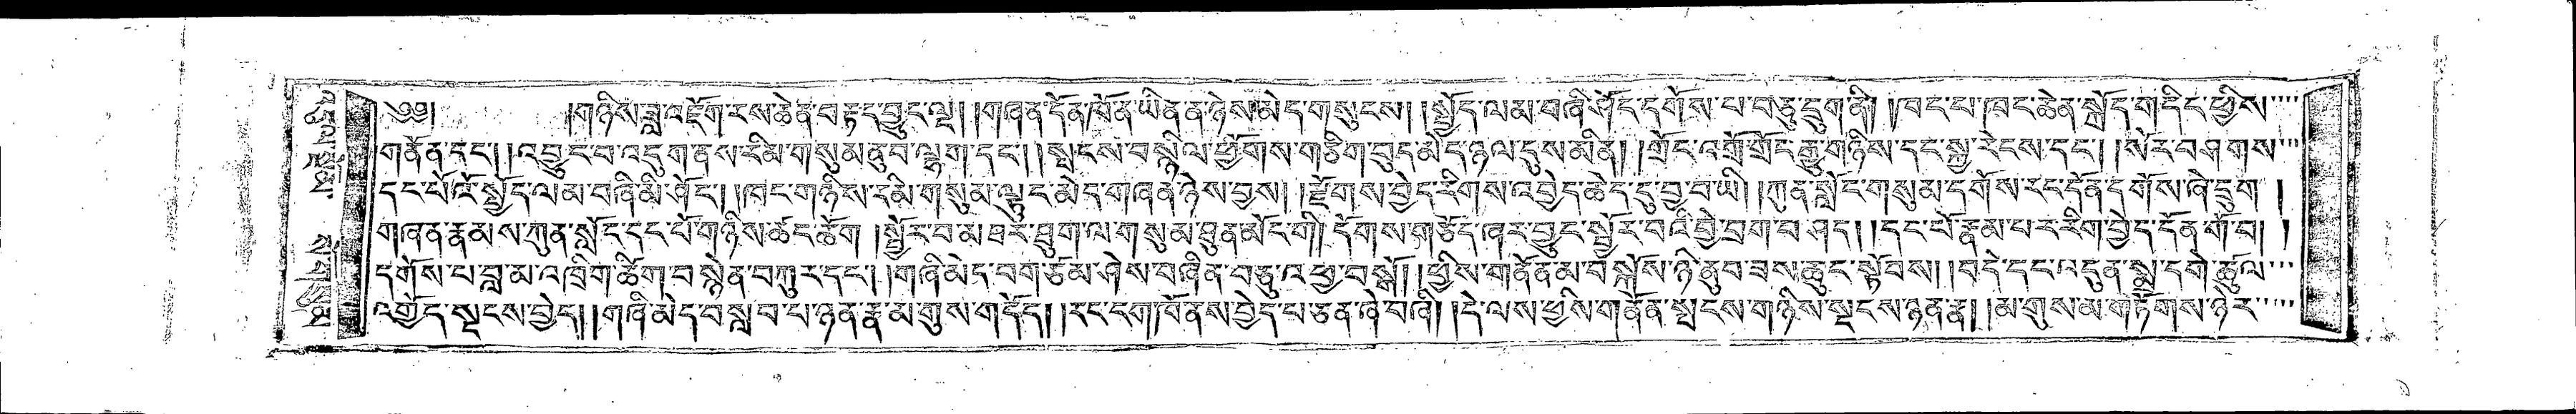༄༅། །གཉིས་ཟླ་འཇོག་རས་ཆེན་བརྟད་བྱུང་ལྔ། །གཞན་དོན་ཁོ་ན་ཡིན་ན་ཉེས་མེད་གསུངས། །སྤྱོད་ལམ་བཞི་ཤོང་དགོས་པ་བཅུ་དྲུག་ནི། །ཁང་པ་ཁང་ཆེན་སྐྲོད་གདིང་ཕྱིས་
གནོན་དང་། །འབྱུང་བ་འདུག་ནས་རིམ་གསུམ་ནུབ་ལྷག་དང་། །སྤངས་བསྙིལ་ཕྱོགས་གཅིག་བུད་མེད་ཉལ་དུས་མིན། །གྲོང་འགྲོ་གྲོང་རྒྱུ་གཉིས་དང་སྐྱ་རེངས་དང་། །སོར་བཤགས་
དང་པོའོ་སྤྱོད་ལམ་བཞི་མི་ཤོང་། །ཁང་གཉིས་རིམ་གསུམ་ལྟུང་མེད་གཞན་ཉེས་བྱས། །རྫོགས་བྱེད་རིགས་འབྱེད་ཆེད་དུ་བྱ་བ་ཡི། །ཀུན་སློང་གསུམ་དགོས་རང་དོན་དགོས་ཞེ་དྲུག །
གཞན་རྣམས་ཀུན་སློང་དང་པོ་གཉིས་ཚང་ཆོག །སྦྱོར་བ་མཐར་ཐུག་ལ་གསུམ་ཐུན་མོང་གི །དོགས་གཅོད་ཞར་བྱུང་སྦྱོར་བའི་བྱེ་བྲག་བཤད། །དང་པོ་རྣམ་པར་རིག་བྱེད་དོན་གོ་བ། །
དགོས་པ་བླ་མ་འཁྲིག་ཚིག་བསྙེན་བཀུར་དང་། །གཞི་མེད་བག་ཙམ་ཤེས་བཞིན་བཅུ་འཕྱ་བསྒོ། །ཕྱིས་གནོན་མ་བསྐོས་ཉི་ནུབ་ཟས་ཆུང་སྟོབས། །བདེ་དང་འདུན་སྨྲ་དགེ་ཚུལ་
འགྱོད་སྔངས་བྱེད། །གཞི་མེད་བསླབ་པ་ཉན་རྣ་མ་གུས་གདོད། །རང་དག་ཁོ་ནས་བྱེད་པ་ཅན་ཞེ་བཞི། །དེ་ལས་ཕྱིས་གནོན་སྤངས་གཉིས་སྡངས་ཉན་རྣ། །མ་གུས་མ་གཏོགས་ཉེར་